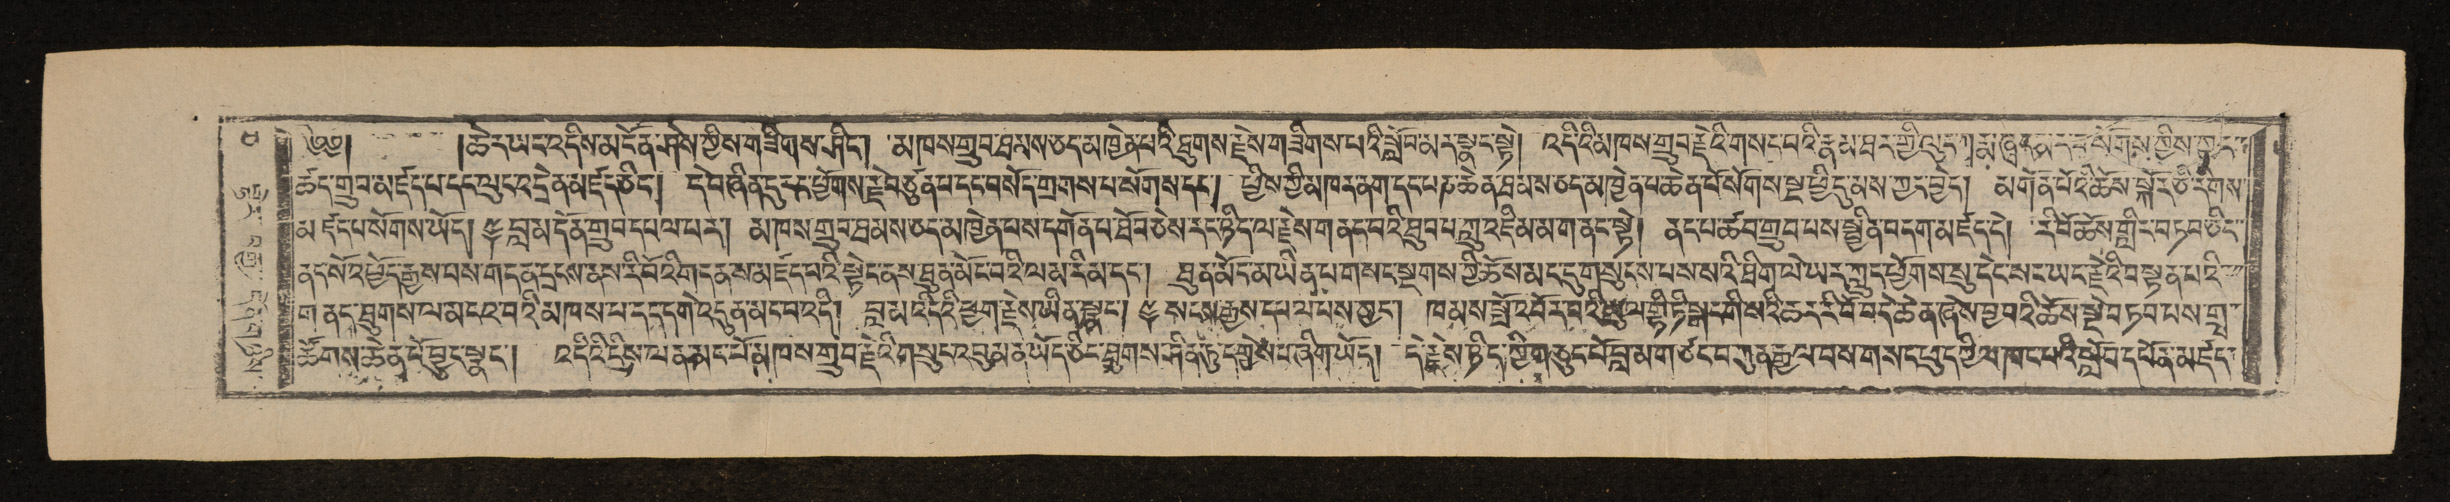༄༅། །ཆེར་ཡང་འདིས་མངོན་ཤེས་ཀྱིས་གཟིགས་ཤིང་། མཁས་གྲུབ་ཐམས་ཅད་མཁྱེན་པའི་ཐུགས་རྗེས་གཟིགས་པའི་སློབ་མར་སྣང་སྟེ། འདིའི་མཁས་གྲུབ་རྗེའི་གསང་བའི་རྣམ་ཐར་གྱི་ལུང་ཀརྨ་ཞྭ་དམར་བ་སོགས་ཀྱིས་ཀྱང་
ཚད་གྲུབ་མཛད་པ་དང་ལུང་འདྲེན་མཛད་ཅིང་། དེ་བཞིན་དུ་རང་ཕྱོགས་རྗེ་བཙུན་པ་དང་བསོད་གྲགས་པ་སོགས་དང་། ཕྱིས་ཀྱི་མཁར་ནག་དང་པཎ་ཆེན་ཐམས་ཅད་མཁྱེན་པ་ཆེན་པོ་སོགས་སྔ་ཕྱི་དུ་མས་ཀྱང་བྱེད། མགོན་པོའི་ཆོས་སྐོར་ཅི་རིགས་
མཛད་པ་སོགས་ཡོད། ༈ བླ་མ་དོན་གྲུབ་དཔལ་པར། མཁས་གྲུབ་ཐམས་ཅད་མཁྱེན་པས་དགོན་པ་ཐོབ་ཅེས་རང་ཉིད་ལ་རྗེས་གནང་བའི་ཐུབ་པ་ཀླུ་འཇིམ་མ་གནང་སྟེ། ནང་པ་ཚ་བ་གྲུབ་པས་སྦྱིན་བདག་མཛད་དེ། རི་བོ་ཆོས་གླིང་བཏབ་ཅིང་
ནད་སོ་འཕྱོང་རྒྱས་པས་གདན་དྲངས་ནས་རི་བོའི་གདན་ས་མཛད་པའི་སྟེང་ནས་ཐུན་མོང་བའི་ལམ་རིམ་དང་། ཐུན་མོང་མ་ཡིན་པ་གསང་སྔགས་ཀྱི་ཆོས་མང་དུ་གསུངས་པས་སའི་ཐིག་ལེ་ཡར་ཀླུང་ཕྱོགས་སུ་དེང་སང་ཡང་རྗེའི་བསྟན་པའི་
གནད་ཐུགས་ལ་མངའ་བའི་མཁས་པ་དང་དགེ་འདུན་མང་བ་འདི། བླ་མ་འདིའི་ཕྱག་རྗེས་ཡིན་སྣང་། ༈ སངས་རྒྱས་དཔལ་པས་ཀྱང་། ཁམས་སྤོ་འབོར་བའི་ཡུལ་གཞི་ཏི་སྒང་གི་སའི་ཆར་རི་བོ་བདེ་ཆེན་ཞེས་བྱ་བའི་ཆོས་སྡེ་བཏབ་པས་གྲྭ་
ཚོགས་ཆེན་པོ་བྱུང་སྣང་། འདིའི་དྲིས་ལན་མང་པོ་མཁས་གྲུབ་རྗེའི་གསུང་འབུམ་ན་ཡོད་ཅིང་ཐུགས་ཤིན་ཏུ་དགྱེས་པ་ཞིག་ཡོད། དེ་རྗེས་ཉིད་ཀྱི་གཅུང་པོ་བླ་མ་གཙང་བ་ཀུན་རྒྱལ་བས་གསང་ཕུ་དཀྱིལ་ཁང་པའི་སློབ་དཔོན་མཛད་